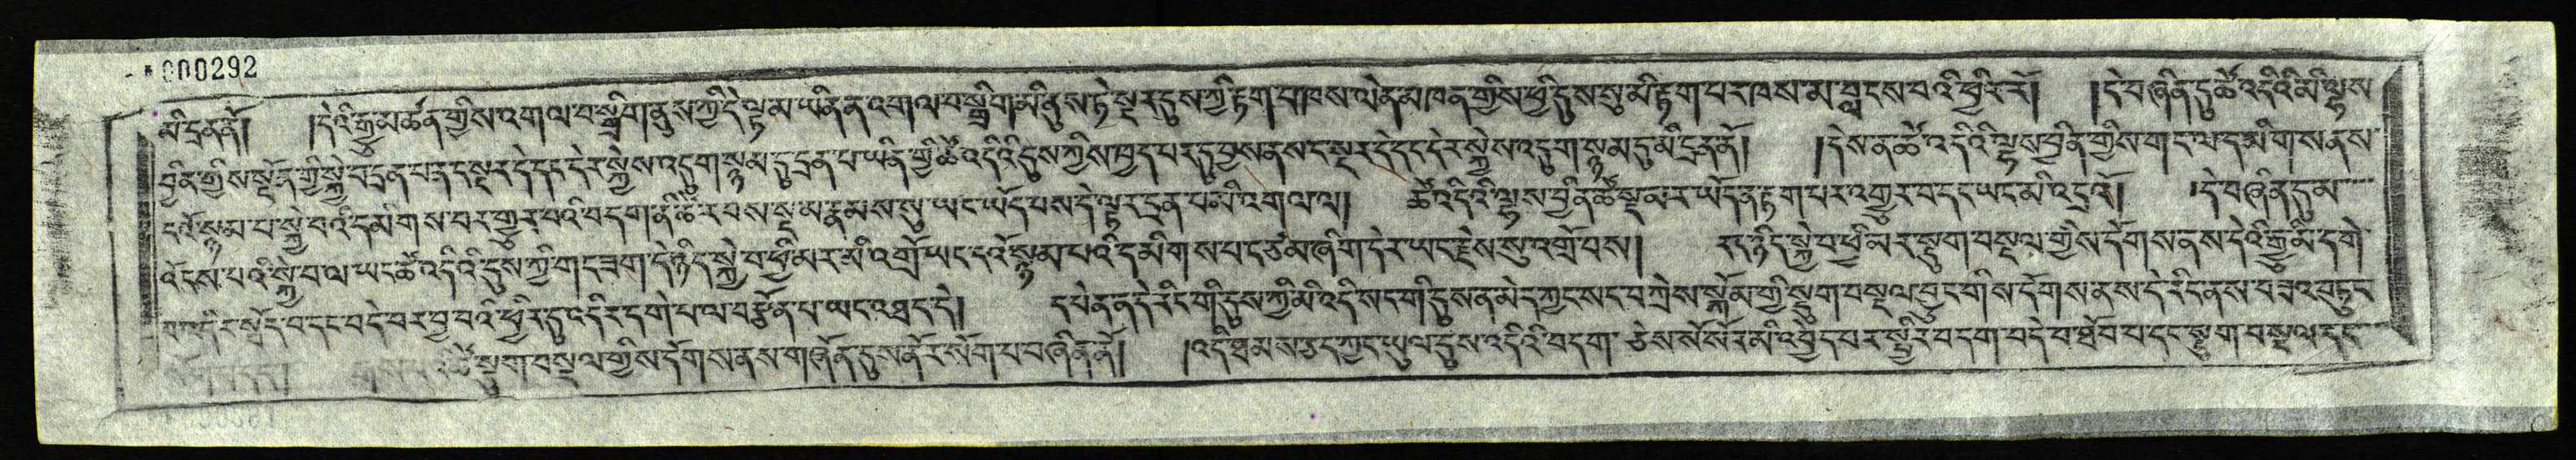མི་དྲན་ནོ། །དེའི་རྒྱུ་མཚན་གྱིས་འགལ་བ་སྒྲིག་ནུས་ཀྱི་དེ་ལྟ་མ་ཡིན་ན་འགལ་བ་སྒྲིག་མི་ནུས་ཏེ་སྔར་དུས་ཀྱི་རྟག་བ་ཁས་ལེན་མཁན་གྱིས་ཕྱི་དུས་སུ་མི་རྟག་པར་ཁས་མ་བླངས་པའི་ཕྱིར་རོ། །དེ་བཞིན་དུ་ཚེ་འདིའི་མི་ལྷས་
བྱིན་གྱིས་སྔོན་གྱི་སྐྱེ་བ་དྲན་པ་ན་ང་སྔར་དེ་དང་དེར་སྐྱེས་འདུག་སྙམ་དུ་དྲན་པ་ཡིན་གྱི་ཚེ་འདིའི་དུས་ཀྱིས་ཁྱད་པར་དུ་བྱས་ནས་ང་སྔར་དེ་དང་དེར་སྐྱེས་འདུག་སྙམ་དུ་མི་དྲན་ནོ། །དེས་ན་ཚེ་འདིའི་ལྷས་བྱིན་གྱིས་གང་ལ་དམིགས་ནས་
ངའོ་སྙམ་པ་སྐྱེ་བའི་དམིགས་བར་གྱུར་པའི་བདག་ནི་ཚེ་རབས་སྔ་མ་རྣམས་སུ་ཡང་ཡོད་པས་དེ་ལྟར་དྲན་པ་མི་འགལ་ལ། ཚེ་འདིའི་ལྷས་བྱིན་ཚེ་སྔ་མར་ཡོད་ན་རྟག་པར་འགྱུར་བ་དང་ཡང་མི་འདྲའོ། །དེ་བཞིན་དུ་མ་
འོངས་པའི་སྐྱེ་བ་ལ་ཡང་ཚེ་འདིའི་དུས་ཀྱི་གང་ཟག་དེ་ཉིད་སྐྱེ་བ་ཕྱི་མར་མི་འགྲོ་ཡང་ངའོ་སྙམ་པའི་དམིགས་པ་ང་ཙམ་ཞིག་དེར་ཡང་རྗེས་སུ་འགྲོ་བས། རང་ཉིད་སྐྱེ་བ་ཕྱི་མར་སྡུག་བསྔལ་གྱིས་དོགས་ནས་དེའི་རྒྱུ་མི་དགེ་
བ་འདིར་སྦོད་བ་དང་བདེ་བར་བྱ་བའི་ཕྱིར་དུ་འདིར་དགེ་པ་ལ་བརྩོན་པ་ཡང་འཐད་དེ། དཔེན་ན་དེ་རིང་གི་དུས་ཀྱི་མི་འདི་སང་གི་དུས་ན་མེད་ཀྱང་སང་བཀྲེས་སྐོམ་གྱི་སྡུག་བསྔལ་བྱུང་གིས་དོགས་ནས་དེ་རིང་ནས་བཟའ་བཏུང་
སོགས་དང་། རྒས་པའི་ཚེ་སྡུག་བསྔལ་གྱིས་དོགས་ནས་གཞོན་དུས་ནོར་སོག་པ་བཞིན་ནོ། །འདི་ཐམས་ཅད་ཀྱང་ཡུལ་དུས་འདིའི་བདག་ཅེས་སོ་སོར་མི་འབྱེད་པར་སྦྱིར་བ་དག་བདེ་བ་ཐོབ་པ་དང་སྡུག་བསྔལ་དང་